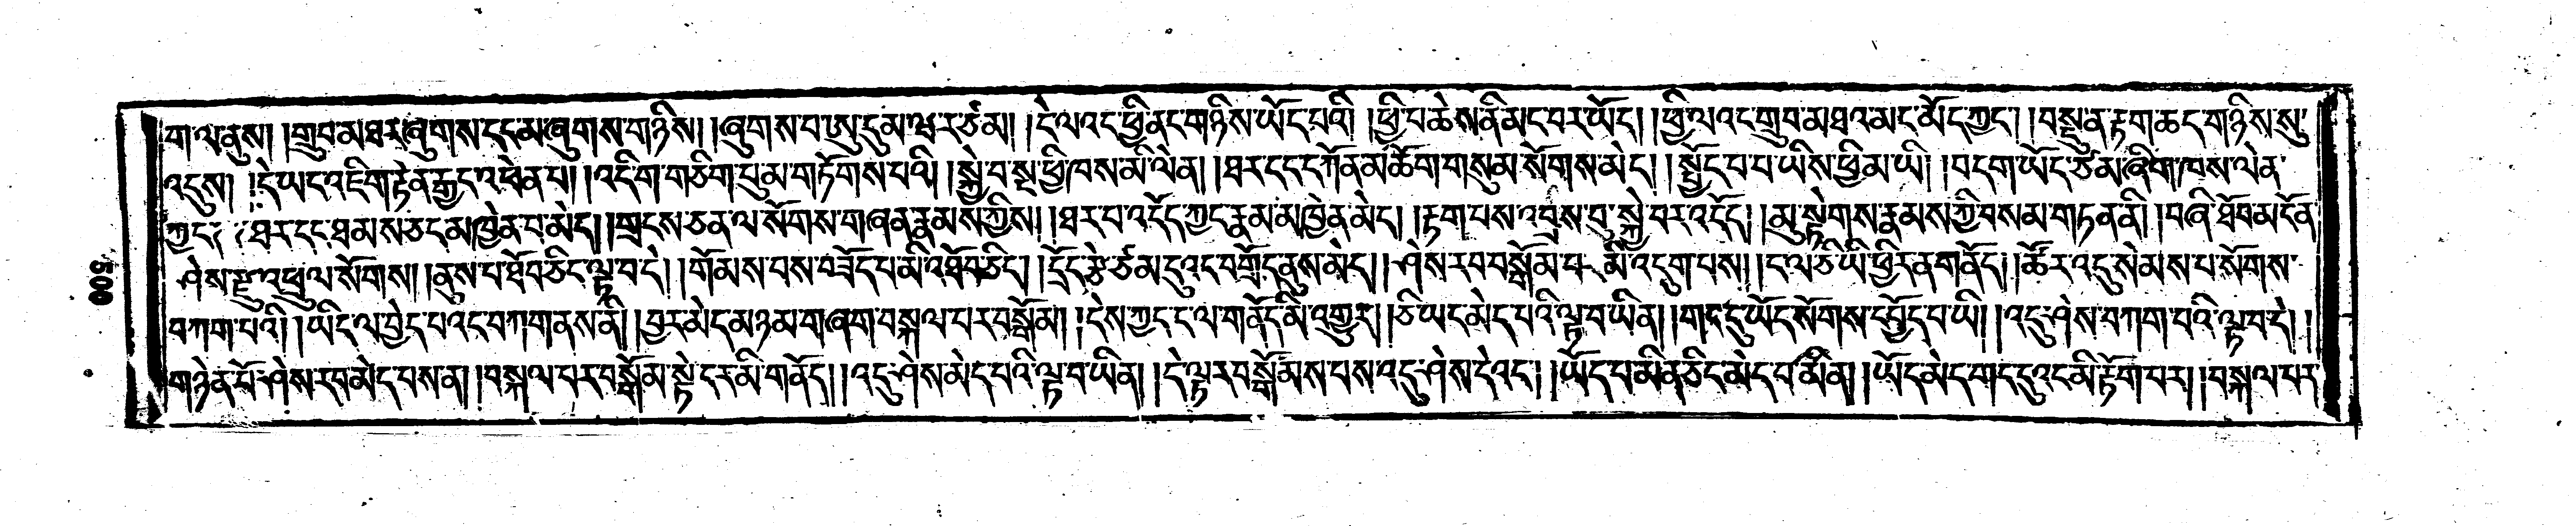ག་ལ་ནུས། །གྲུབ་མཐར་ཞུགས་དང་མ་ཞུགས་གཉིས། །ཞུགས་པ་ཨུ་དུམ་ཝ་ར་ཙམ། །དེ་ལའང་ཕྱི་ནང་གཉིས་ཡོད་པའི། །ཕྱི་པ་ཆེས་ནི་མང་བར་ཡོད། །ཕྱི་ལའང་གྲུབ་མཐའ་མང་མོད་ཀྱང༑ ༑བསྡུ་ན་རྟག་ཆད་གཉིས་སུ་
འདུས༑ ༑དེ་ཡང་འཇིག་རྟེན་རྒྱང་འཕེན་པ། །འདི་ག་གཅིག་པུ་མ་གཏོགས་པའི། ། སྐྱེ་བ་སྔ་ཕྱི་ཁས་མི་ལེན། །ཐར་དང་དཀོན་མཆོག་གསུམ་སོགས་མེད། །སྤྱོད་པ་པ་ཡིས་ཕྱི་མ་ཡི། །བདག་ཡོད་ཙམ་ཞིག་ཁས་ལེན། །
ཀྱང༑ ༑ཐར་དང་ཐམས་ཅད་མཁྱེན་པ་མེད། །གྲངས་ཅན་ལ་སོགས་གཞན་རྣམས་ཀྱིས། །ཐར་པ་འདོད་ཀྱང་རྣམ་མཁྱེན་མེད། །རྟག་པས་འབྲས་བུ་སྐྱེ་བར་འདོད། །མུ་སྟེགས་རྣམས་ཀྱི་བསམ་གཏན་ནི། །བཞི་ཐོབ་མངོན་
ཤེས་རྫུ་འཕྲུལ་སོགས། །ནུས་པ་ཐོབ་ཅིང་ལྟ་བ་དེ། །གོམས་པས་བཟོད་པ་མི་འཐོབ་ཅིང་། །དྲོད་རྩེ་ཙམ་དུའང་བགྲོད་ནུས་མེད། །ཤེས་རབ་བསྒོམ་པར་མི་འདུག་པས། །ང་ལ་ཅི་ཡི་ཕྱིར་ན་གནོད། །ཚོར་འདུ་སེམས་པ་སོགས་
བཀག་པའི། །ཡིད་ལ་བྱེད་པའང་བཀག་ནས་ནི། །བྱར་མེད་མཉམ་གཞག་བསྐལ་པར་བསྒོམ། །དེས་ཀྱང་ང་ལ་གནོད་མི་འགྱུར། །ཅི་ཡང་མེད་པའི་ལྟ་བ་ཡིན། །གང་དུ་ཡོད་སོགས་དཔྱོད་པ་ཡི། །འདུ་ཤེས་བཀག་པའི་ལྟ་བ་དེ། །
གཉེན་པོ་ཤེས་རབ་མེད་པས་ན། །བསྐལ་པར་བསྒོམ་སྟེ་ངར་མི་གནོད།། འདུ་ཤེས་མེད་པའི་ལྟ་བ་ཡིན། །དེ་ལྟར་བསྒོམས་པས་འདུ་ཤེས་དེའང་། །ཡོད་པ་མིན་ཅིང་མེད་པ་མིན། །ཡོད་མེད་གང་དུའང་མི་རྟོག་པར། །བསྐལ་པར་